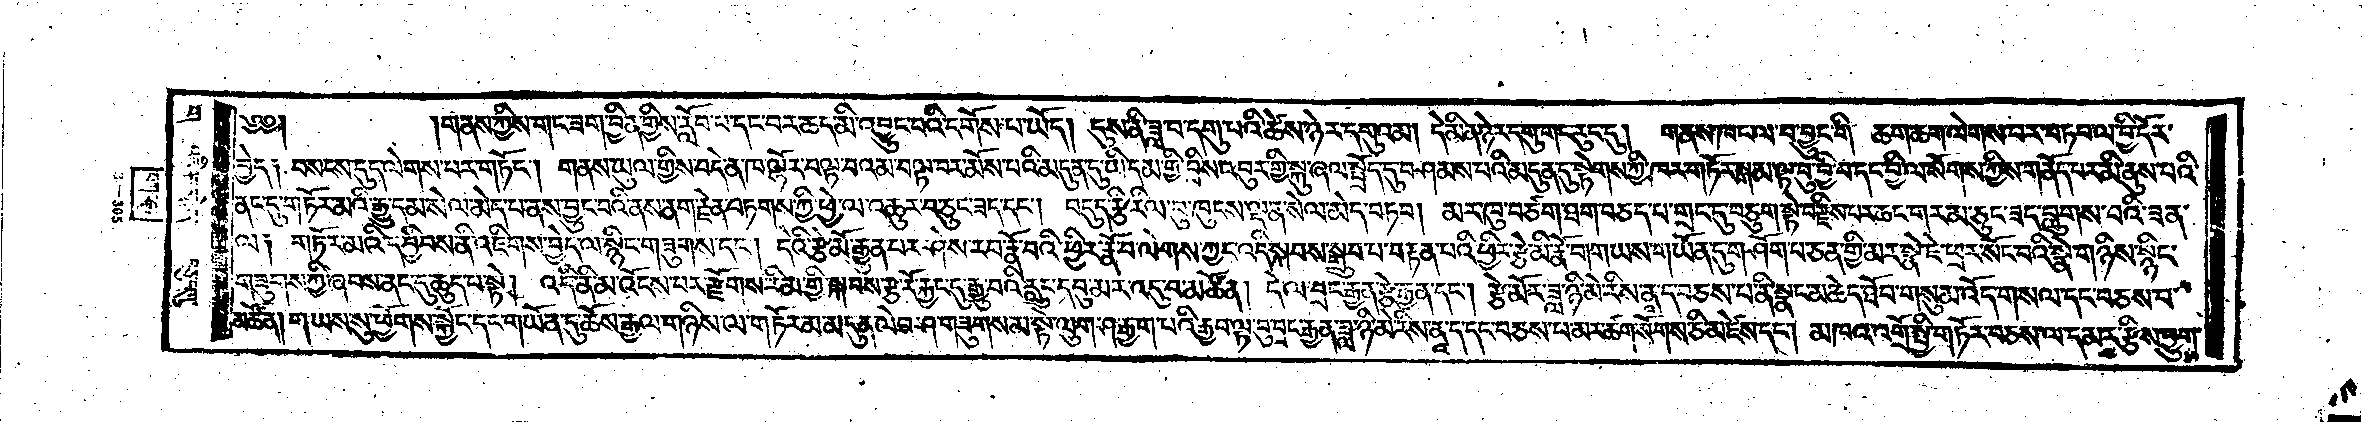༄༅། །གནས་ཀྱིས་གང་ཟག་བྱིན་གྱིས་རློབ་པ་དང་བར་ཆད་མི་འབྱུང་བའི་དགོས་པ་ཡོད། དུས་ནི་ཟླ་བ་དགུ་པའི་ཚེས་ཉེར་དགུའམ། དེ་མིན་ཉེར་དགུ་གང་རུང་དུ། གནས་ཁང་ལ་བ་བྱུང་གིས་ཆག་ཆག་ལེགས་པར་བཏབ་ལ་བྱི་དོར་
བྱེད༑ བསངས་དུད་ལེགས་པར་གཏོང་། གནས་ཡུལ་གྱིས་བདེན་ཁ་ལྷོར་བལྟ་བའམ་བལྟ་བར་མོས་པའི་མདུན་དུ་ཡི་དམ་གྱི་བྲིས་འབུར་གྱི་སྐུ་ཞལ་སྤྲོད་དུ་བཤམས་པའི་མདུན་དུ་སྟེགས་ཀྱི་ཁར་གཏོར་སྒམ་ལྟ་བུ་བྱི་བ་དང་བྱི་ལ་སོགས་ཀྱིས་གནོད་པར་མི་ནུས་པའི་
ནང་དུ་གཏོར་མའི་རྒྱུ་དམ་སེལ་མེད་པ་ནས་བྱུང་བའི་ནས་ནག་རྗེན་བཏགས་ཀྱི་ཕྱེ་ལ་འཆུར་བ་ཅུང་ཟད་དང་། བདུད་རྩི་རིལ་བུ་ཁུངས་ལྡན་སེལ་མེད་བཏབ། མར་ཁུ་བཙག་ཐག་བཅད་པ་གྲང་དུ་བཅུག་སྟེ་བ་རྫིས་པར་ཆང་གར་མ་ཅུང་ཟད་བླུགས་པའི་ཟན་
ལ༑ གཏོར་མའི་དབྱིབས་ནི་འཇིགས་བྱེད་ལ་སྙིང་གཟུགས་དང་། དེའི་རྩེ་མོ་རྒྱུན་པར་ཤེས་རབ་རྣོ་བའི་ཕྱིར་རྣོ་བ་ལེགས་ཀྱང་འདི་སྐབས་སྒྲུབ་པ་བརྟན་པའི་ཕྱིར་རྩེ་མི་རྣོ་བ། གཡས་གཡོན་དུ་གཤོག་པ་ཅན་གྱི་མར་སྣེ་ཇེ་ཕྲར་སོང་བའི་སྣེ་གཉིས་སྙིང་
གཟུགས་ཀྱི་ཞབས་ནང་དུ་ཆུད་པ་སྟེ། འདི་ནི་མ་འོངས་པར་རྫོགས་རིམ་གྱི་སྐབས་རྩ་རོ་རྐྱང་དུ་རྒྱུ་བའི་རླུང་དབུ་མར་འདུ་བ་མཚོན། དེ་ལ་བྲང་རྒྱན་རྩེ་རྒྱན་དང་། རྩེ་མོར་ཟླ་ཉི་མེ་རིས་ནཱ་ད་བཅས་པ་ནི་སྣང་མཆེད་ཐོབ་གསུམ་འོད་གསལ་དང་བཅས་པ་
མཚོན། གཡས་སུ་ཕྱོགས་སྐྱོང་དང་གཡོན་དུ་ཆོས་རྒྱལ་གཉིས་ལ་གཏོར་མ་མདུན་ལེབ་ཤ་གཟུགས་མ་སྟེ་ལུག་ཤ་རྒྱག་པའི་རྒྱབ་ལྟ་བུ་བྲང་རྒྱན་ཟླ་ཉི་མེ་རིས་ནཱ་ད་དང་བཅས་པ་མར་ཚག་སོགས་ཅི་མཛེས་དང་། མཁའ་འགྲོ་སྤྱི་གཏོར་བཅས་ལ་དམར་རྩིས་ཕྱུག་